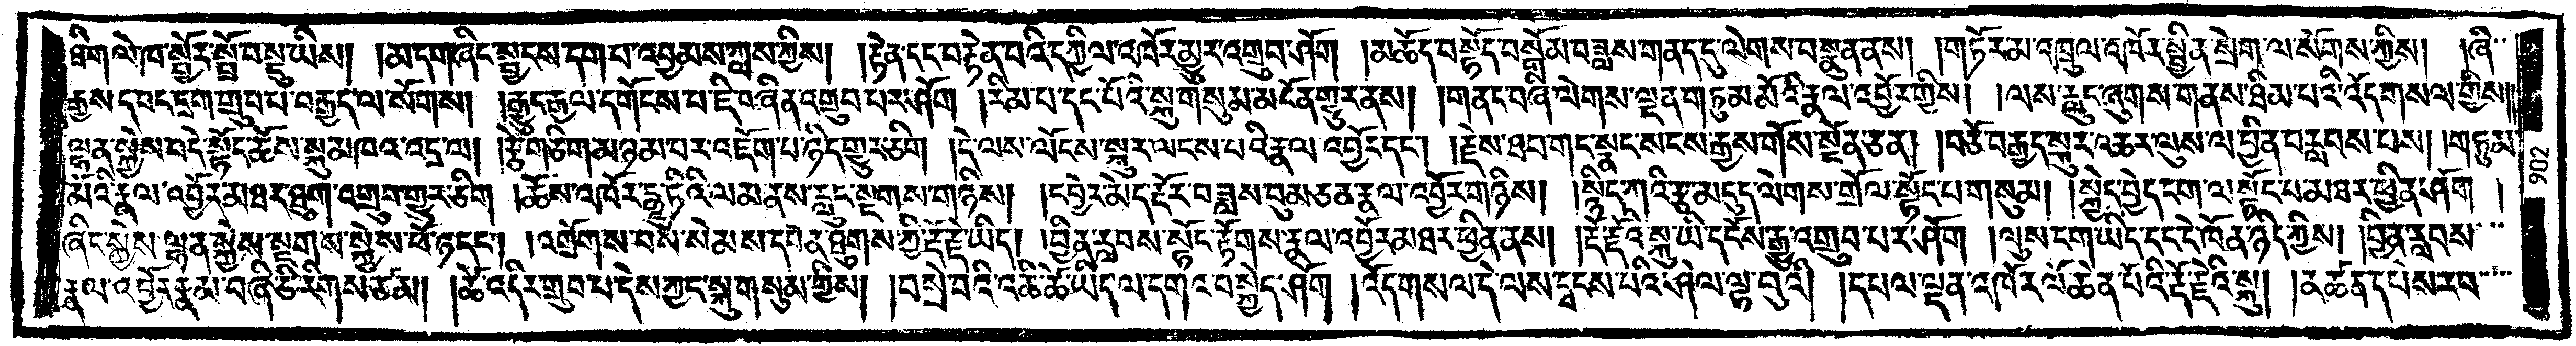ཐིག་ལེ་ཁ་སྦྱོར་སྦྲོ་བསྡུ་ཡིས། །མ་དག་ཞིང་སྦྱངས་དག་པ་འབྱམས་ཀླས་ཀྱིས། །རྟེན་དང་བརྟེན་པའི་དཀྱིལ་འཁོར་མྱུར་འགྲུབ་ཤོག །མཆོད་བསྟོད་བསྒོམ་བཟླས་གནད་དུ་ལེགས་བསྣུན་ནས། །གཏོར་མ་འཁྲུལ་འཁོར་སྦྱིན་སྲེག་ལ་སོགས་ཀྱིས། །ཞི་
རྒྱས་དབང་དྲག་གྲུབ་པ་བརྒྱད་ལ་སོགས། །རྒྱུད་རྒྱལ་དགོངས་པ་ཇི་བཞིན་འགྲུབ་པར་ཤོག །རིམ་པ་དང་པོའི་སྐུ་གསུམ་མངོན་གྱུར་ནས། །གནང་བཞི་ལེགས་ལྡན་གཏུམ་མོའི་རྣལ་འབྱོར་གྱིས། །ལས་རླུང་ཞུགས་གནས་ཐིམ་པའི་འོད་གསལ་གྱིས།།
ལྷན་སྐྱེས་བདེ་སྟོང་ཆོས་སྐུ་མཁའ་འདྲ་ལ། །རྩེ་གཅིག་མཉམ་པར་འཇོག་པ་ཉིད་གྱུར་ཅིག །དེ་ལས་ལོངས་སྐུར་ལངས་པའི་རྣལ་འབྱོར་དང་། །རྗེས་ཐབ་གང་སྣང་སངས་རྒྱས་གོས་སྔོན་ཅན། །བཅོ་བརྒྱད་སྐུར་འཆར་ལུས་ལ་བྱིན་བརླབས་པས། །གཏུམ་
མོའི་རྣལ་འབྱོར་མཐར་ཐུག་འགྲུབ་གྱུར་ཅིག །ཆོས་འཁོར་?ཧཱུ་ཉིའི་ལམ་ནས་རླུང་སྔགས་གཉིས། །དབྱེར་མེད་རྔོར་བཟླས་བུམ་ཅན་རྣལ་འབྱོར་གཉིས། །སྙིང་ཀའི་རྩ་མདུད་ལེགས་གྲོལ་སྟོང་པ་གསུམ། །སྐྱེད་བྱེད་དག་ལ་སྟོང་པ་མཐར་ཕྱིན་ཤོག །
ཞིང་སྐྱེས་ལྷན་སྐྱེས་སྔགས་སྐྱེས་ཕོ་ཉང་པ། །འགྲོགས་བས་སེམས་དཔེན་ཐུགས་ཀྱི་རྡོ་རྗེ་ཡིད། །བྱིན་རླབས་སྟོང་རྟོགས་རྣལ་འབྱོར་མཐར་ཕྱིན་ནས། །རྡོ་རྗེའི་སྐུ་ཡི་དངོས་རྒྱུ་འགྲུབ་པར་ཤོག །ལུས་ངག་ཡིད་དང་དེ་ཁོ་ན་ཉིད་ཀྱིས། །བྱིན་རླབས་
རྣལ་འབྱོད་རྣམ་བཞི་ཅི་རིགས་ཙམ། །ཆོ་འདིར་གྲུབ་པ་དེས་ཀྱང་སྐུ་གསུམ་གྱིས། །བསྲེ་བའི་འཆི་ཚེ་ཡིད་ལ་དགའ་བསྐྱེད་ཤོག །འོད་གསལ་དེ་ལས་དྭངས་པའི་ཤེལ་ལྟ་བུའི། །དཔལ་ལྡན་འཁོར་ལོ་ཆེན་པོའི་རྡོ་རྗེའི་སྐུ། །མཚན་དཔེས་རབ་